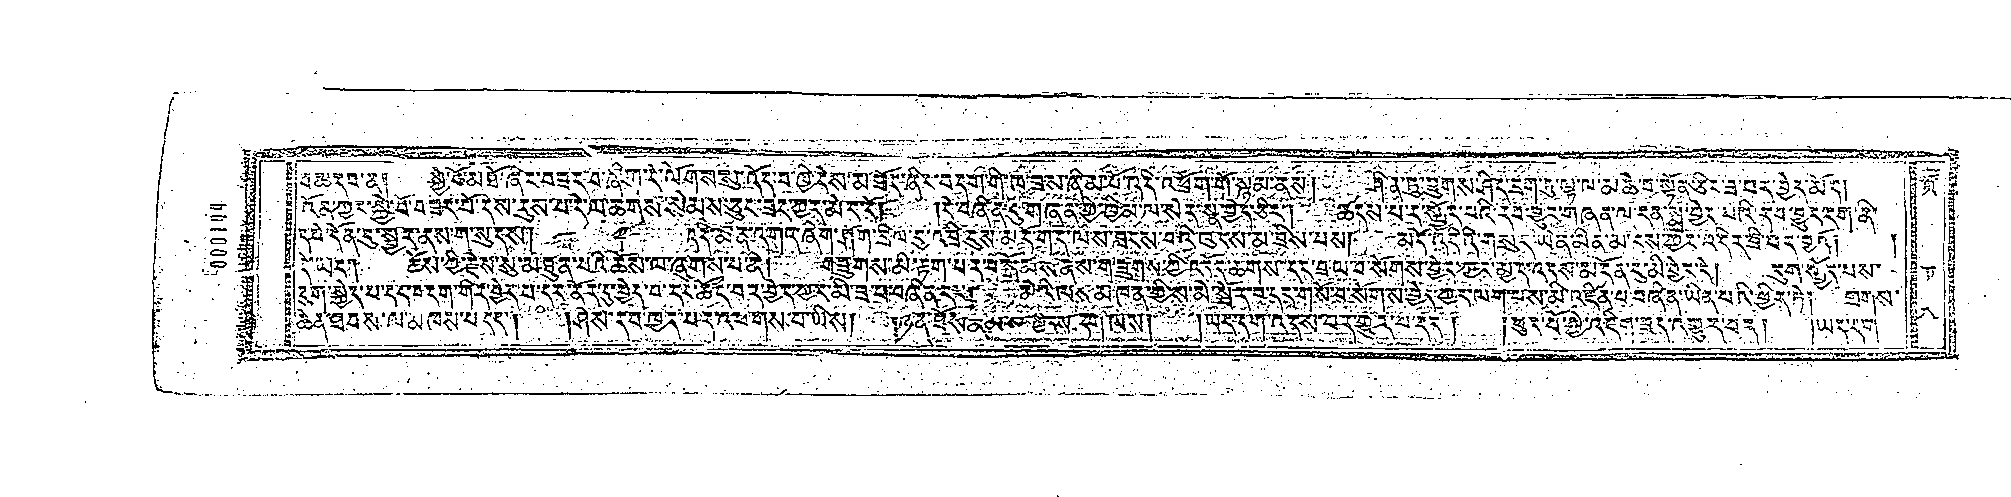འཆར་བ་ན། སྐྱེ་བོ་མཐོ་ཞིང་བཟང་བ་ཞིག་དེ་ལོགས་སུ་འོད་བ་ཁྱི་དེས་མཐོང་ཞིང་བདག་གི་ཁ་ཟས་ཞིམ་པོ་འདི་འཕྲོག་གོ་སྙམ་ནས། ཤིན་ཏུ་ཟུགས་ཤིང་དྲག་ཏུ་ལྟ་ལ་མཆེ་བ་སྟོན་ཅིང་ཟ་བར་བྱེད་མོར།
འོན་ཀྱང་སྐྱེ་བོ་བཟང་པོ་དེས་རུས་པ་དེ་ལ་ཆགས་སེམས་ཅུང་ཟད་ཀྱང་མེད་དོ། །དེ་བཞིན་དུ་གཞན་གྱི་ཁྱིམ་ལ་སེར་སྣ་བྱེད་ཅིང་། ཚངས་པར་སྤྱོད་པའི་རབ་བྱུང་གཞན་ལ་ངན་སྨྲ་བྱེད་པའི་རབ་བྱུང་ངག་ནི་
དཔེ་དོན་དུ་སྦྱར་ནས་གསུངས། ༈ འདི་མན་འགའ་ཞིག་ཤོག་དྲིལ་དུ་འབྲི་དུས་མདོ་གད་ལས་བླངས་བའི་ཁུངས་མ་བྲིས་པས། མདོ་འདིའི་གསུང་ཡིན་མིན་མ་ངེས་ཀྱང་འདིར་བྲི་བར་བྱའོ། །
དེ་ཡང་། ཆོས་ཀྱི་རྗེས་སུ་མཐུན་པའི་ཆོས་ལ་ཞུགས་པ་ནི། གཟུགས་མི་རྟག་པར་བསྒོམས་ནས་གཟུགས་ཀྱི་འདོད་ཆགས་དང་བྲལ་བ་སོགས་བྱེད་ཀྱང་མྱང་འདས་མངོན་དུ་མི་བྱེད་དེ། དུག་སྤྱོད་པས་
དུག་སྐྱེད་པ་དང་བདག་གིར་བྱེད་པ་དང་ནོར་དུ་བྱེད་བ་དང་ཚོང་བར་བྱེད་ཀྱང་མི་ཟ་བ་བཞིན་དང་། མིའི་ལས་མཁན་གྱིས་མེ་སྦོར་བ་དང་གསོ་བ་སོགས་བྱེད་ཀྱང་ལག་པས་མི་འཛིན་པ་བཞིན་ཡིན་པའི་ཕྱིར་ཏེ། གྲགས་
ཆེན་ཐབས་ལ་མཁས་པ་དང་། །ཤེས་རབ་ཁྱད་པར་འཕགས་པ་ཡིས། །ཉན་ཐོས་རྣམས་ཀྱི་ངས་དག་ལས། །ཡང་དག་འདས་པར་གྱུར་པ་དང་། །ཕུང་པོ་སྐྱེ་འཇིག་ཟད་འགྱུར་བར། །ཡང་དག་